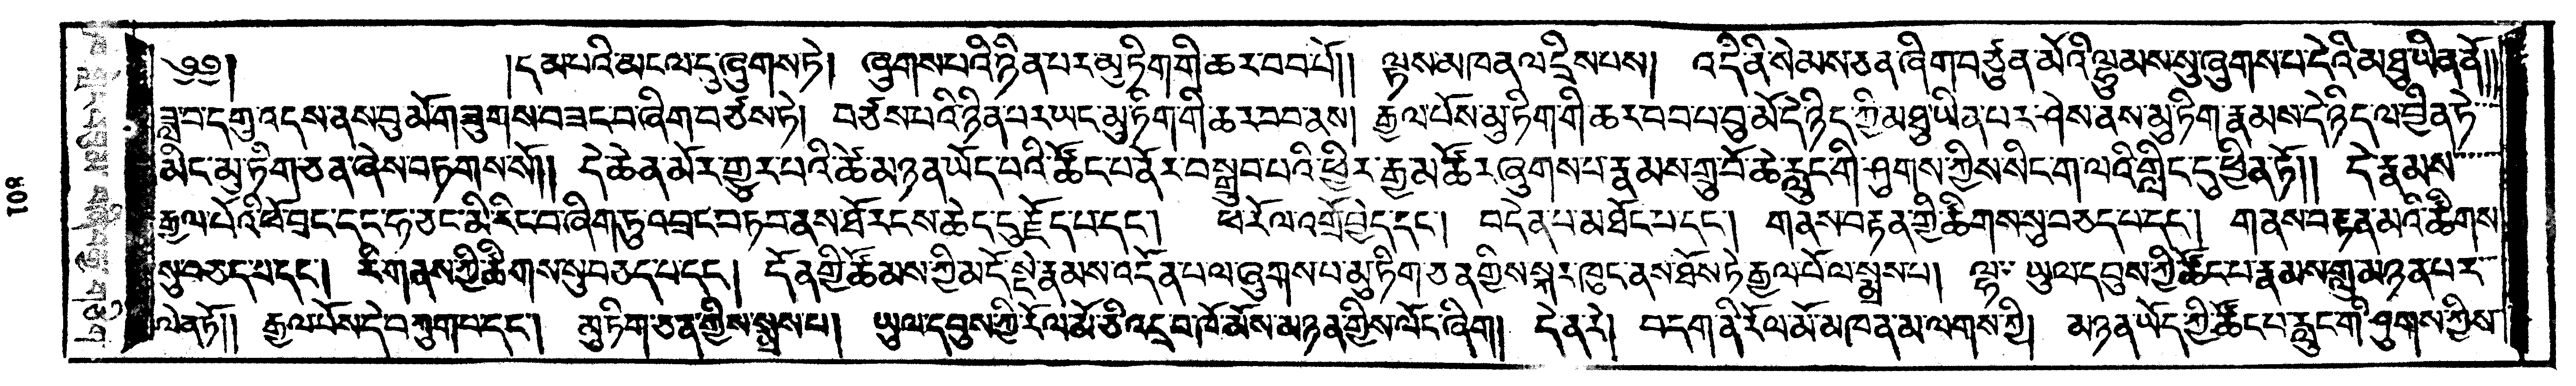༄༅། །དམ་པའི་མངལ་དུ་ཞུགས་ཏེ། ཞུགས་པའི་ཉིན་པར་མུ་ཏིག་གི་ཆར་བབ་པོ།། ལྟས་མཁན་ལ་དྲིས་པས། འདི་ནི་སེམས་ཅན་ཞིག་བཙུན་མོའི་ལྷུམས་སུ་ཞུགས་པ་དེའི་མཐུ་ཡིན་ནོ།།
ཟླ་བ་དགུ་འདས་ནས་བུ་མོ་གཟུགས་བཟང་བ་ཞིག་བཙས་ཏེ། བཙས་པའི་ཉིན་པར་ཡང་མུ་ཏིག་གི་ཆར་བབ་ནས། རྒྱལ་པོས་མུ་ཏིག་གི་ཆར་བབ་པ་བུ་མོ་དེ་ཉིད་ཀྱི་མཐུ་ཡིན་པར་ཤེས་ནས་མུ་ཏིག་རྣམས་དེ་ཉིད་ལ་བྱིན་ཏེ་
མིང་མུ་ཏིག་ཅན་ཞེས་བཏགས་སོ།། དེ་ཆེན་མོར་གྱུར་པའི་ཚེ་མཉན་ཡོད་པའི་ཚོང་པ་ནོར་བསྒྲུབ་པའི་ཕྱིར་རྒྱ་མཚོར་ཞུགས་པ་རྣམས་གྲུ་བོ་ཆེ་རླུང་གི་ཤུགས་ཀྱིས་སིང་ག་ལའི་གླིང་དུ་ཕྱིན་ཏོ།། དེ་རྣམས་
རྒྱལ་པོའི་ཕོ་བྲང་དང་ཧ་ཅང་མི་རིང་བ་ཞིག་ཏུ་འབྲང་བཏབ་ནས་ཐོ་རངས་ཆེད་དུ་རྗོད་པ་དང་། ཕ་རོལ་འགྲོ་བྱེད་དང་། བདེན་པ་མཐོང་པ་དང་། གནས་བརྟན་གྱི་ཚིགས་སུ་བཅད་པ་དང་། གནས་བརྟན་མའི་ཚིགས་
སུ་བཅད་པ་དང་། རི་གནས་ཀྱི་ཚིགས་སུ་བཅད་པ་དང་། དོན་གྱི་ཚོམས་ཀྱི་མདོ་སྡེ་རྣམས་འདོན་པ་ལ་ཞུགས་པ་མུ་ཏིག་ཅན་གྱིས་སྐར་ཁུང་ནས་ཐོས་ཏེ་རྒྱལ་པོ་ལ་སྨྲས་པ། ལྷ་ཡུལ་དབུས་ཀྱི་ཚོང་པ་རྣམས་གླུ་མཉན་པར་
ལེན་ཏོ།། རྒྱལ་པོས་དེ་བཀུག་བ་དང་། མུ་ཏིག་ཅན་གྱིས་སྨྲས་པ། ཡུལ་དབུས་ཀྱི་རོལ་མོ་ཅི་འདྲ་བ་ཁོ་མོས་མཉན་གྱིས་ལོང་ཞིག། དེ་ན་རེ། བདག་ནི་རོལ་མོ་མཁན་མ་ལགས་ཀྱི། མཉན་ཡོད་ཀྱི་ཚོང་པ་རླུང་གི་ཤུགས་ཀྱིས་